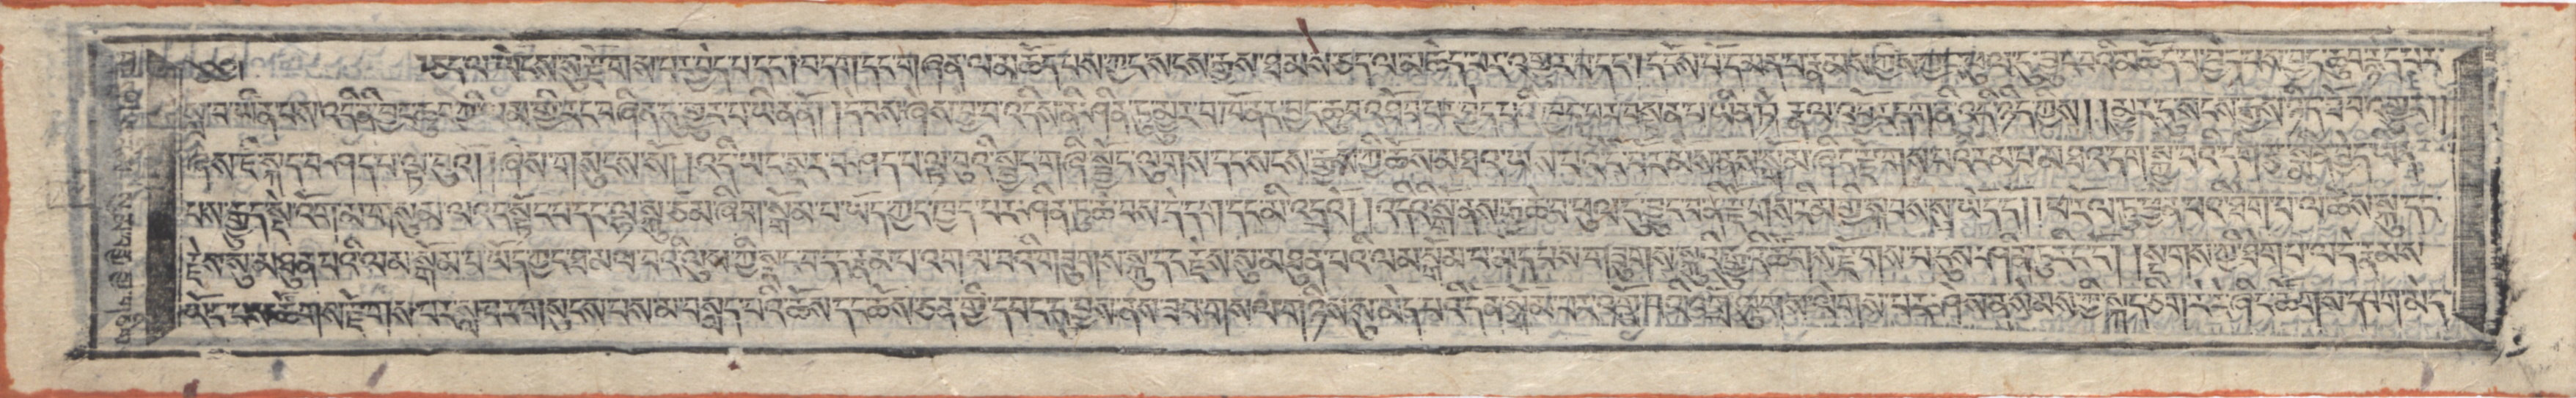༄༅། །ཅད་ལ་ཡོངས་སུ་རྫོགས་པར་བྱེད་པ་དང་། བདག་དང་གཞན་ལ་མཆོད་པས་ཀྱང་སངས་རྒྱས་ཐམས་ཅད་ལ་མཆོད་པར་འགྱུར་བ་དང་། དངོས་པོ་དམན་པ་རྣམས་ཀྱིས་ཀྱང་ཕུལ་དུ་བྱུང་བའི་མཆོད་པ་བྱེད་པས་བྱང་ཆུབ་རྙེད་པར་
སླ་བ་ཡིན་པས་འདི་ནི་བྱང་ཆུབ་ཀྱི་ལམ་གྱི་རང་བཞིན་དུ་གྱུར་པ་ཡིན་ནོ། །དེ་བས་ཞེས་བྱ་བ་འདིས་ནི་ཤིན་ཏུ་མྱུར་བ་ཁོ་ནར་བྱང་ཆུབ་འཐོབ་པར་བྱེད་པའི་ཁྱད་པར་བསྟན་པ་ཡིན་ཏེ། རྣལ་འབྱོར་དག་ནི་འདི་ཉིད་ཀྱིས། །མྱུར་དུ་སངས་རྒྱས་ཉིད་ཐོབ་འགྱུར།།
ཞེས་ཇི་སྐད་བཤད་པ་ལྟ་བུའོ། །ཞེས་གསུངས་སོ། །འདི་ཡང་སྔར་བཤད་པ་ལྟ་བུའི་སྦྱང་གཞི་སྦྱོང་ལུགས་དང་སངས་རྒྱས་ཀྱི་ཆོས་མཐའ་ཡས་པའི་ངོ་བོར་མོས་ནས་སྒོམ་ཞིགན་རྫོགས་པའི་རིམ་པ་མཐའ་དག་སྐྱེ་བའི་དགེ་རྩ་སྨིན་བྱེད་ཡིན་
པས་རྒྱུད་སྡེ་འོག་མ་གསུམ་ལའང་སྟོང་པ་དང་ལྷ་སྐུ་ཙམ་ཞིག་སྒོམ་པ་ཡོད་ཀྱང་ཁྱད་པར་ཤིན་ཏུ་ཆེ་བས་དེ་དག་དང་མི་འདྲའོ། །འདིའི་སྒོ་ནས་རྒྱ་ཆེ་བ་ཕུལ་དུ་བྱུང་བ་ནི་རྫོགས་རིམ་གྱི་སྐབས་སུ་ཡོད་དོ། །ཕ་རོལ་ཏུ་ཕྱིན་པའི་ཐེག་པ་ལ་ཆོས་སྐུ་དང་
རྗེས་སུ་མཐུན་པའི་ལམ་སྒོམ་པ་ཡོད་ཀྱང་ཐ་མལ་བའི་ལུས་ཀྱི་སྣང་བ་དང་རྣམ་པ་འགལ་བའི་གཟུགས་སྐུ་དང་རྗེས་སུ་མཐུན་པའི་ལམ་སྒོམ་པ་མེད་པས་གཟུགས་སྐུའི་རྒྱུའི་ཚོགས་རྫོགས་པ་དུས་ཤིན་ཏུ་རིང་ངོ། །སྔགས་ཀྱི་ཐེག་པ་ལ་དེ་རྣམས་
ཡོད་པས་ཚོགས་རྫོགས་པར་སླ་བར་གསུངས་པས་མ་བསླད་པའི་ཆོས་དང་ཆོས་ཅན་གྱི་དབང་དུ་བྱས་ནས་ཟབ་གསལ་གཉིས་སུ་མེད་པའི་དོན་སྒོམ་པར་འགྲོ་བའི་འགྲོ་ལུགས་ལེགས་པར་ཤེས་ན་སེམས་ཀྱི་སྐད་ཅིག་རེ་རེ་ཞིང་ཚོགས་དཔག་མེད་